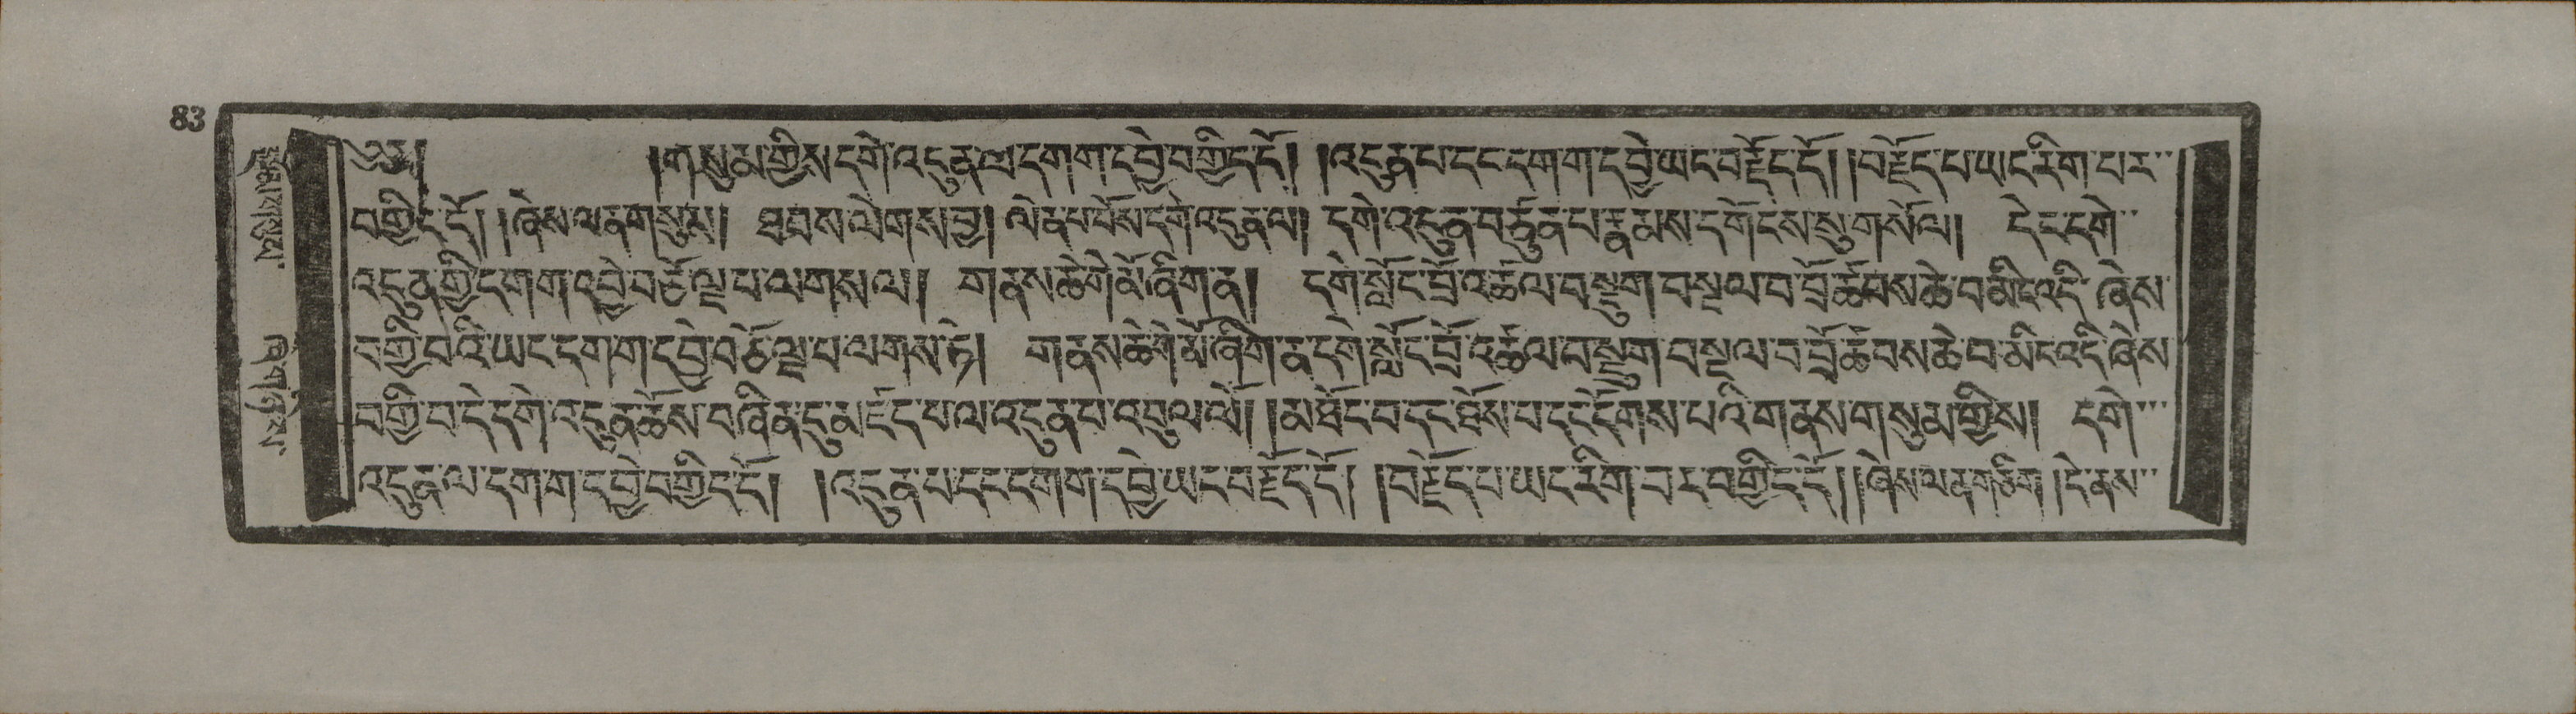༄༅། །གསུམ་གྱིས་དགེ་འདུན་ལ་དགག་དབྱེ་བགྱིད་དོ། །འདུན་པ་དང་དགག་དབྱེ་ཡང་བརྗོད་དོ། །བརྗོད་པ་ཡང་རིག་པར་
བགྱིང་ངོ། །ཞེས་ལན་གསུམ།  ཐབས་ལེགས་བྱ། ལེན་པ་པོས་དགེ་འདུན་ལ། དགེ་འདུན་བཙུན་པ་རྣམས་དགོངས་སུ་གསོལ། དེང་དགེ་
འདུན་གྱི་དགག་འབྱེ་བཅོ་ལྔ་པ་ལགས་ལ། གནས་ཆེ་གེ་མོ་ཞིག་ན། དགེ་སློང་བྲོ་འཚལ་བསྡུག་བསྔལ་བ་བྲོ་ཚབས་ཆེ་བ་མིང་འདི་ཞེས་
བགྱི་བའི་ཡང་དགག་དབྱེ་བཅོ་ལྔ་པ་ལགས་ཏེ། གནས་ཆེ་གེ་མོ་ཞིག་ན་དགེ་སློང་བྲོ་འཚལ་བ་སྡུག་བསྔལ་བ་བྲོ་ཚབས་ཆེ་བ་མིང་འདི་ཞེས་
བགྱི་པ་དེ་དགེ་འདུན་ཆོས་བཞིན་དུ་མཛད་པ་ལ་འདུན་པ་འབུལ་ལོ། །མཐོང་བ་དང་ཐོས་པ་དང་དོགས་པའི་གནས་གསུམ་གྱིས། དགེ་
འདུན་ལ་དགག་དབྱེ་བགྱིད་ངོ། །འདུན་པ་དང་དགག་དབྱེ་ཡང་བརྗོད་དོ། །བརྗོད་པ་ཡང་རིག་པར་བགྱིད་དོ། །ཞེས་ལན་གཅིག །དེ་ནས་